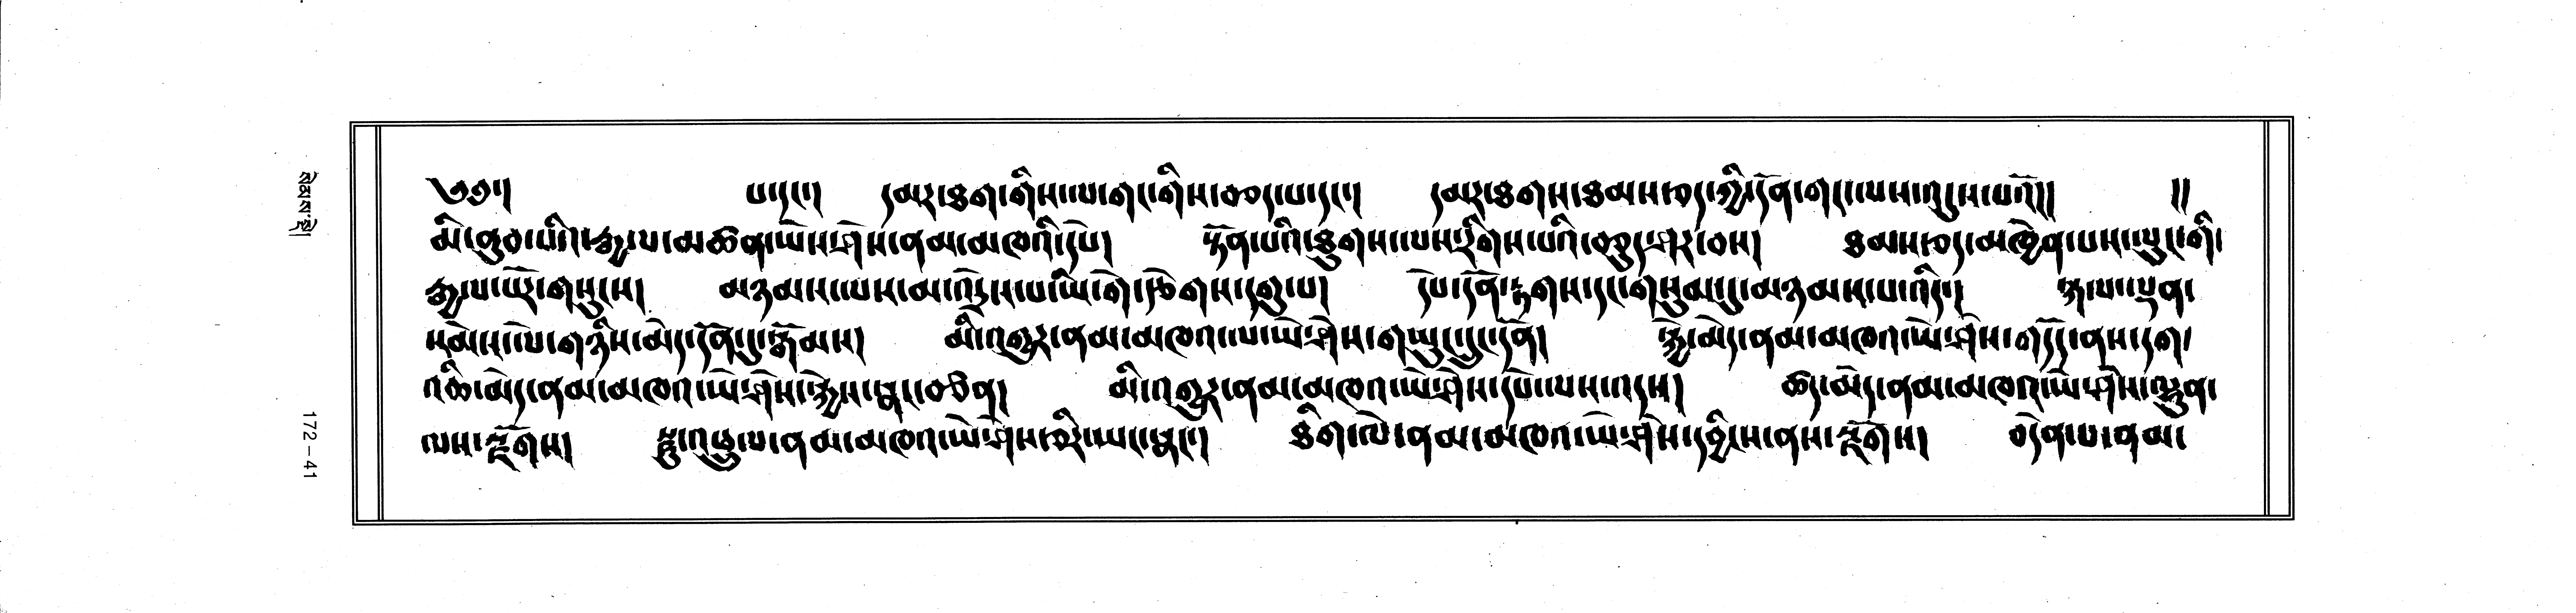པ་དང་། དམར་ཐག་གིས་ལ་གང་གིས་བཅད་པ་དང་། དམར་ཐག་ཐམས་ཅད་ཀྱི་དོན་གང་ལས་འདུས་པའོ། 
མི་ནུབ་པའི་རྒྱལ་མཚན་ཡེ་ཤེས་ནམ་མཁའི་དཔེ། སྟོན་པའི་ཐུགས་ལས་རིགས་པའི་བཅུད་ཤར་བས། ཐམས་ཅད་མཁྱེན་པས་ལུང་གི་
རྒྱལ་པོར་གསུངས། མཉམ་ལས་མ་འདྲེས་པ་ཡི་གེ་རྩེགས་དགུ་པ། དཔེ་དོན་རྟགས་དང་གསུམ་དུ་མཉམས་པ་འདི། སྐལ་ལྡན་
སེམས་ལ་གཉིས་མེད་དོན་དུ་སྒོམས། མི་འགྱུར་ནམ་མཁའ་ལ་ཡེ་ཤེས་གཡུང་དྲུང་དོན། སྐྱེ་མེད་ནམ་མཁའ་ཡེ་ཤེས་གདོད་ནས་དག 
འཆི་མེད་ནམ་མཁའ་ཡེ་ཤེས་སྐྱེས་སྣང་བཙན། མི་འགྱུར་ནམ་མཁའ་ཡེ་ཤེས་དཔེ་ལས་འདས། ཚད་མེད་ནམ་མཁའ་ཡེ་ཤེས་ལྷུན་
ལས་རྫོགས། རྫུ་འཕྲུལ་ནམ་མཁའ་ཡེ་ཤེས་ཅིར་ཡང་སྣང་། ཐིག་ལེ་ནམ་མཁའ་ཡེ་ཤེས་དབྱིངས་ནས་རྫོགས། བདེན་པ་ནམ་